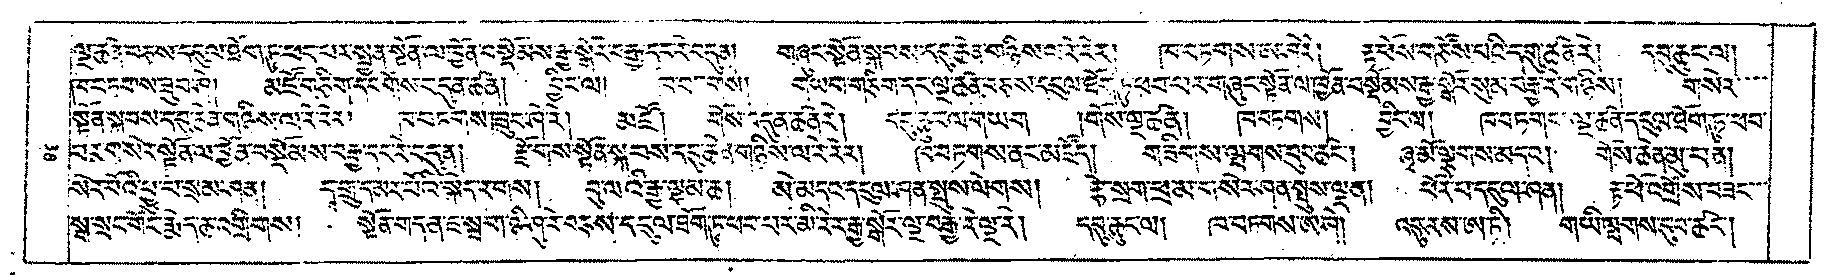ལྔ་ཚན་བཅས་དངུལ་ཐོག་ཏུ་ཕབ་པར་སྤྱན་སྟོན་ལ་ཁྱོན་བསྡོམས་རྒྱ་སྒོར་བརྒྱ་དང་རེ་བདུན། གཞུང་སྟོན་སྐབས་དབུ་ཆེན་གཉིས་ལ་རེ་རེར། ཁ་བཏགས་ཨ་ཤེ་རེ། རྟ་ཕོས་གཙོས་པའི་དགུ་ཚན་རེ། དབུ་ཆུང་ལ།
ཁ་བཏགས་ཟུབ་ཤེ། མཛོ་གཅིག་དང་གོས་བདུན་ཚན། བྱིང་ལ། ཁ་བཏགས། གཡག་གཅིག་དང་ལྔ་ཚན་བཅས་དངུལ་ཐོག་ཏུ་ཕབ་པར་གཞུང་སྟོན་ལ་ཁྱོན་བསྡོམས་རྒྱ་སྒོར་སུམ་བརྒྱ་རེ་གཉིས། གསེར་
སྟོན་སྐབས་དབུ་ཆེན་གཉིས་ལ་རེ་རེར། ཁ་བཏགས། ཟུབ་ཤེ་རེ། མཛོ། གོས་བདུན་ཚན་རེ། དབུ་ཆུང་ལ་གཡག །གོས་ལྔ་ཚན། ཁ་བཏགས། བྱིང་ལ། ཁ་བཏགས་ལྔ་ཚན་དངུལ་ཐོག་ཏུ་ཕབ་
པར་གསེར་སྟོན་ལ་ཁྱོན་བསྡོམས་བརྒྱ་དང་རེ་བདུན། རྫོགས་སྟོན་སྐབས་དབུ་ཆེན་གཉིས་ལ་རེ་རེར། ཁ་བཏགས་ནང་མཛོད། གཟིགས་སྤགས་བུབ་ཚང་། ཞྭ་མོ་ལྕགས་མདའ། གོས་ཆེན་མུ་པན།
སེར་པོའི་ཕྱུ་པ་སྲམ་ཤན། དཱ་གྲུ་དམར་པོའི་སྐེད་རགས། བུ་ལའི་རྒྱ་ལྷམ་ཆ། མེ་མདའ་དངུལ་ཤན་སྤུས་ལེགས། རྩེ་སྲག་ཕྲ་མ་གསེར་ཤན་སྤུས་ལྡན། ཕོར་པ་དངུལ་ཤན། རྟ་ཕོ་འགྲོས་བཟང་
སྒ་སྲབ་གོང་རྨེད་ཆ་འགྲིགས། སྟོན་གདན་ཇ་སྦག་ཉི་ཤུ་རེ་བཅས་དངུལ་ཐོག་ཏུ་ཕབ་པར་མི་རེར་རྒྱ་སྒོར་ལྔ་བརྒྱ་རེ་ལྔ་རེ། དབུ་ཆུང་ལ། ཁ་བཏགས་ཨ་ཤེ། འབུ་རས་ཨ་ཏི། གཡི་ལྤགས་བུབ་ཚང་།